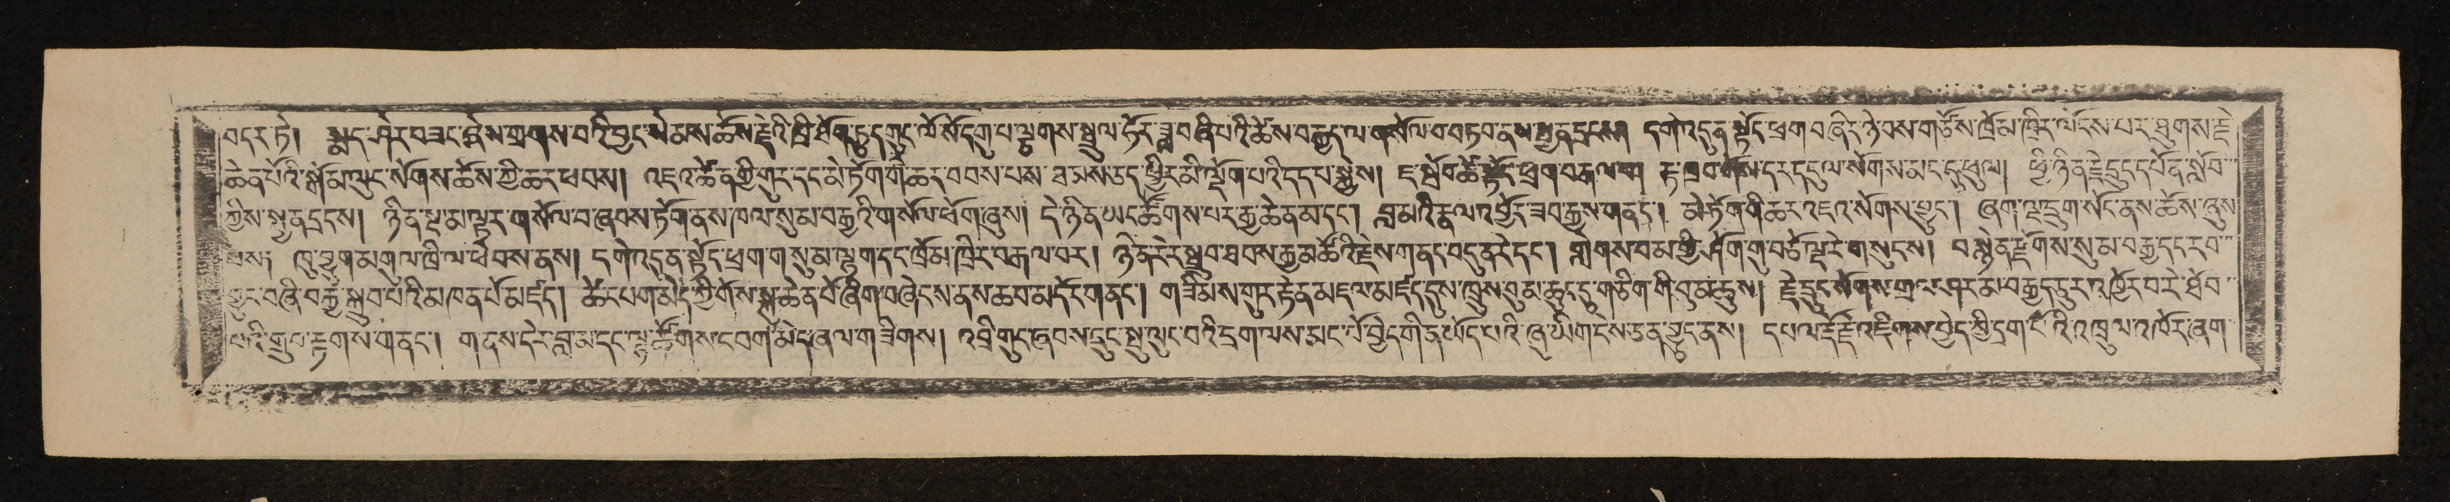བདར་ཏེ། སྨད་ཤེར་བཟང་ཞེས་གྲགས་པའི་བྱང་སེམས་ཆོས་རྗེའི་ཁྲི་ཐོག་ཏུ་དགུང་ལོ་སོ་དགུ་པ་ལྕགས་སྤྲུལ་ཧོར་ཟླ་བཞི་པའི་ཚེས་བརྒྱད་ལ་གསོལ་བ་བཏབ་ནས་སྤྱན་དྲངས། དགེ་འདུན་སྟོང་ཕྲག་བཞིར་ཉེ་བས་གཙོས་ཁྲོམ་ཁྲིར་ལོངས་པར་ཐུགས་རྗེ་
ཆེན་པོའི་སྒོམ་ལུང་སོགས་ཆོས་ཀྱི་ཆར་བབས། འཇའ་ཚོན་གྱི་གུར་དང་མེ་ཏོག་གི་ཆར་བབས་པས་ཐམས་ཅད་ཕྱིར་མི་ལྡོག་པའི་དད་པ་སྐྱེས། ཇ་སྤོབ་ཚེ་སྟོང་ཕྲག་བརྒལ་བ། རྟ་ཁྲབ་གོས་དར་དངུལ་སོགས་མང་དུ་ཕུལ། ཕྱི་ཉིན་རྗེ་དྲུང་དཔོན་སློབ་
ཀྱིས་སྤྱན་དྲངས། ཉིན་སྔ་མ་ལྟར་གསོལ་བ་ཞབས་ཏོག་ནས་ཁལ་སུམ་བརྒྱའི་གསོལ་ཕོག་ཞུས། དེ་ཉིན་ཡང་ཚོགས་པར་རྒྱ་ཆེན་མ་དང་། བླ་མའི་རྣལ་འབྱོར་ཟབ་རྒྱས་གནང་། མེ་ཏོག་གི་ཆར་འཇའ་སོགས་བྱུང་། ཞག་ལྔ་དྲུག་སོང་ནས་ཆོས་ཞུས་
པས། ཁུ་བྱུག་མགུལ་ཁྲི་ལ་ཕེབས་ནས། དགེ་འདུན་སྟོང་ཕྲག་གསུམ་ལྷག་དང་ཁྲོམ་ཁྲིར་བརྒལ་བར། ཉིན་རེར་སྒྲུབ་ཐབས་རྒྱ་མཚོའི་རྗེས་གནང་བདུན་རེ་དང་། གླེགས་བམ་གྱི་ཤོག་གུ་བཅོ་ལྔ་རེ་གསུངས། བསྙེན་རྫོགས་སུམ་བརྒྱ་དང་རབ་
བྱུང་བཞི་བརྒྱ་སྒྲུབ་པའི་མཁན་པོ་མཛད། ཚེ་དཔག་མེད་ཀྱི་གོས་སྐུ་ཆེན་པོ་ཞིག་བཞེངས་ནས་ཆབ་མདོར་གནང་། གཟིམས་གུར་རྟེན་མཇལ་མཛད་དུས་ཁྲུས་བུམ་ཆུང་དུ་གཅིག་གི་བུམ་ཆུས། རྗེ་དྲུང་སོགས་གྲལ་ཤར་མ་བརྒྱད་ཅུར་འཁྱོར་བ་རེ་ཐོབ་
པའི་གྲུབ་རྟགས་གནང་། གནས་དེར་བླ་མ་དང་ལྷ་ཚོགས་དཔག་མེད་ཞལ་གཟིགས། འབྲི་གུང་ཞབས་དྲུང་སྤུ་ལུང་པའི་དྲག་ལས་མང་པོ་བྱེད་གིན་ཡོད་པའི་ཞུ་ཡིག་ངེས་ཅན་བྱུང་ནས། དཔལ་རྡོ་རྗེ་འཇིགས་བྱེད་ཀྱི་དྲག་པོའི་འཁྲུལ་འཁོར་ཞག་